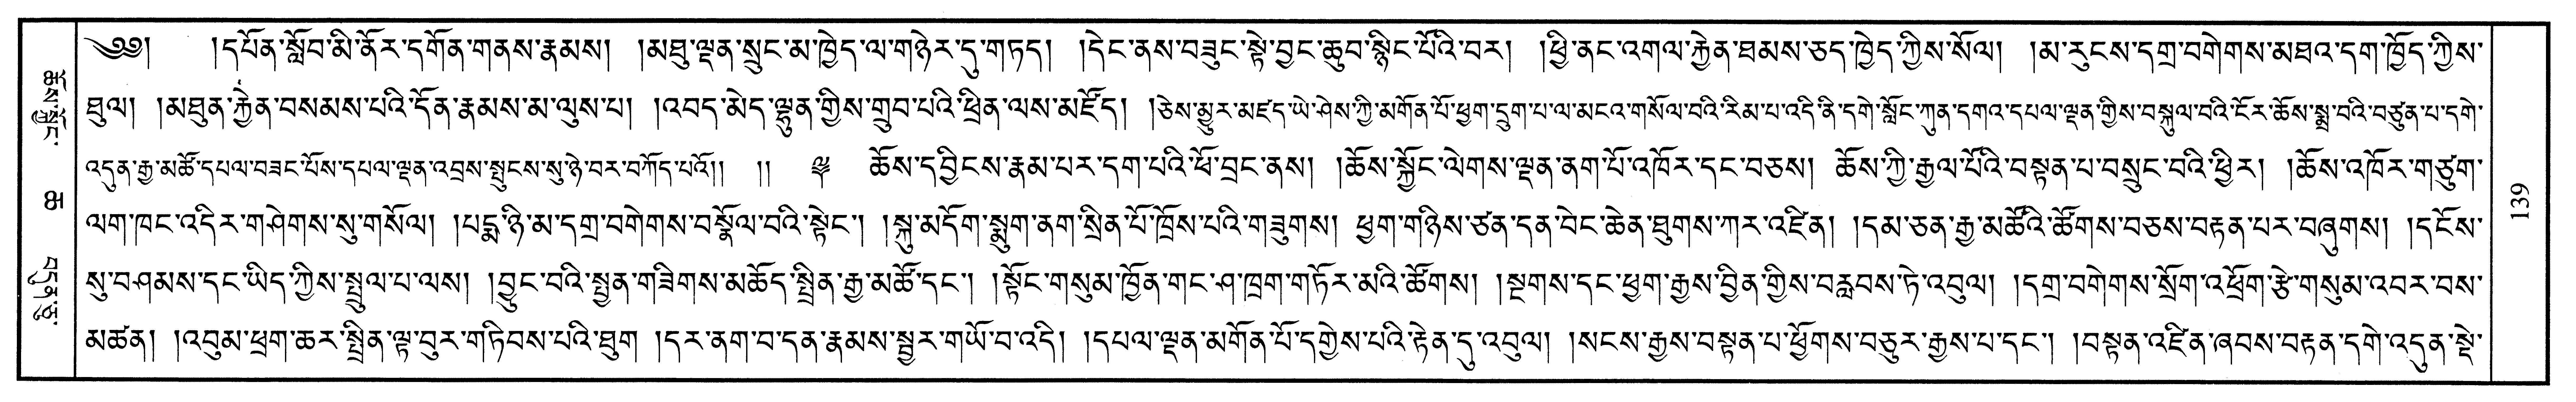༄༅། །དཔོན་སློབ་མི་ནོར་དགོན་གནས་རྣམས། །མཐུ་ལྡན་སྲུང་མ་ཁྱེད་ལ་གཉེར་དུ་གཏད། །དེང་ནས་བཟུང་སྟེ་བྱང་ཆུབ་སྙིང་པོའི་བར། །ཕྱི་ནང་འགལ་རྐྱེན་ཐམས་ཅད་ཁྱེད་ཀྱིས་སོལ། །མ་རུངས་དགྲ་བགེགས་མཐའ་དག་ཁྱོད་ཀྱིས་
ཐུལ། །མཐུན་རྐྱེན་བསམས་པའི་དོན་རྣམས་མ་ལུས་པ། །འབད་མེད་ལྷུན་གྱིས་གྲུབ་པའི་ཕྲིན་ལས་མཛོད། །ཅེས་མྱུར་མཛད་ཡེ་ཤེས་ཀྱི་མགོན་པོ་ཕྱག་དྲུག་པ་ལ་མངའ་གསོལ་བའི་རིམ་པ་འདི་ནི་དགེ་སློང་ཀུན་དགའ་དཔལ་ལྡན་གྱིས་བསྐུལ་བའི་ངོར་ཆོས་སྨྲ་བའི་བཙུན་པ་དགེ་
འདུན་རྒྱ་མཚོ་དཔལ་བཟང་པོས་དཔལ་ལྡན་འབྲས་སྤུངས་སུ་ཉེ་བར་བཀོད་པའོ།། །། ༈ ཆོས་དབྱིངས་རྣམ་པར་དག་པའི་ཕོ་བྲང་ནས། །ཆོས་སྐྱོང་ལེགས་ལྡན་ནག་པོ་འཁོར་དང་བཅས། ཆོས་ཀྱི་རྒྱལ་པོའི་བསྟན་པ་བསྲུང་བའི་ཕྱིར། །ཆོས་འཁོར་གཙུག་
ལག་ཁང་འདིར་གཤེགས་སུ་གསོལ། །པདམ་ཉི་མ་དགྲ་བགེགས་བསྣོལ་བའི་སྟེང་། །སྐུ་མདོག་སྨུག་ནག་སྲིན་པོ་ཁྲོས་པའི་གཟུགས། ཕྱག་གཉིས་ཙན་དན་བེང་ཆེན་ཐུགས་ཀར་འཛིན། །དམ་ཅན་རྒྱ་མཚོའི་ཚོགས་བཅས་བརྟན་པར་བཞུགས། །དངོས་
སུ་བཤམས་དང་ཡིད་ཀྱིས་སྤྲུལ་པ་ལས། །བྱུང་བའི་སྤྱན་གཟིགས་མཆོད་སྤྲིན་རྒྱ་མཚོ་དང་། །སྟོང་གསུམ་ཁྱོན་གང་ཤ་ཁྲག་གཏོར་མའི་ཚོགས། །སྔགས་དང་ཕྱག་རྒྱས་བྱིན་གྱིས་བརླབས་ཏེ་འབུལ། །དགྲ་བགེགས་སྲོག་འཕྲོག་རྩེ་གསུམ་འབར་བས་
མཚན། །འབུམ་ཕྲག་ཆར་སྤྲིན་ལྟ་བུར་གཏིབས་པའི་ཐུག །དར་ནག་བ་དན་རྣམས་སྦྱར་གཡོ་བ་འདི། །དཔལ་ལྡན་མགོན་པོ་དགྱེས་པའི་རྟེན་དུ་འབུལ། །སངས་རྒྱས་བསྟན་པ་ཕྱོགས་བཅུར་རྒྱས་པ་དང་། །བསྟན་འཛིན་ཞབས་བརྟན་དགེ་འདུན་སྡེ་